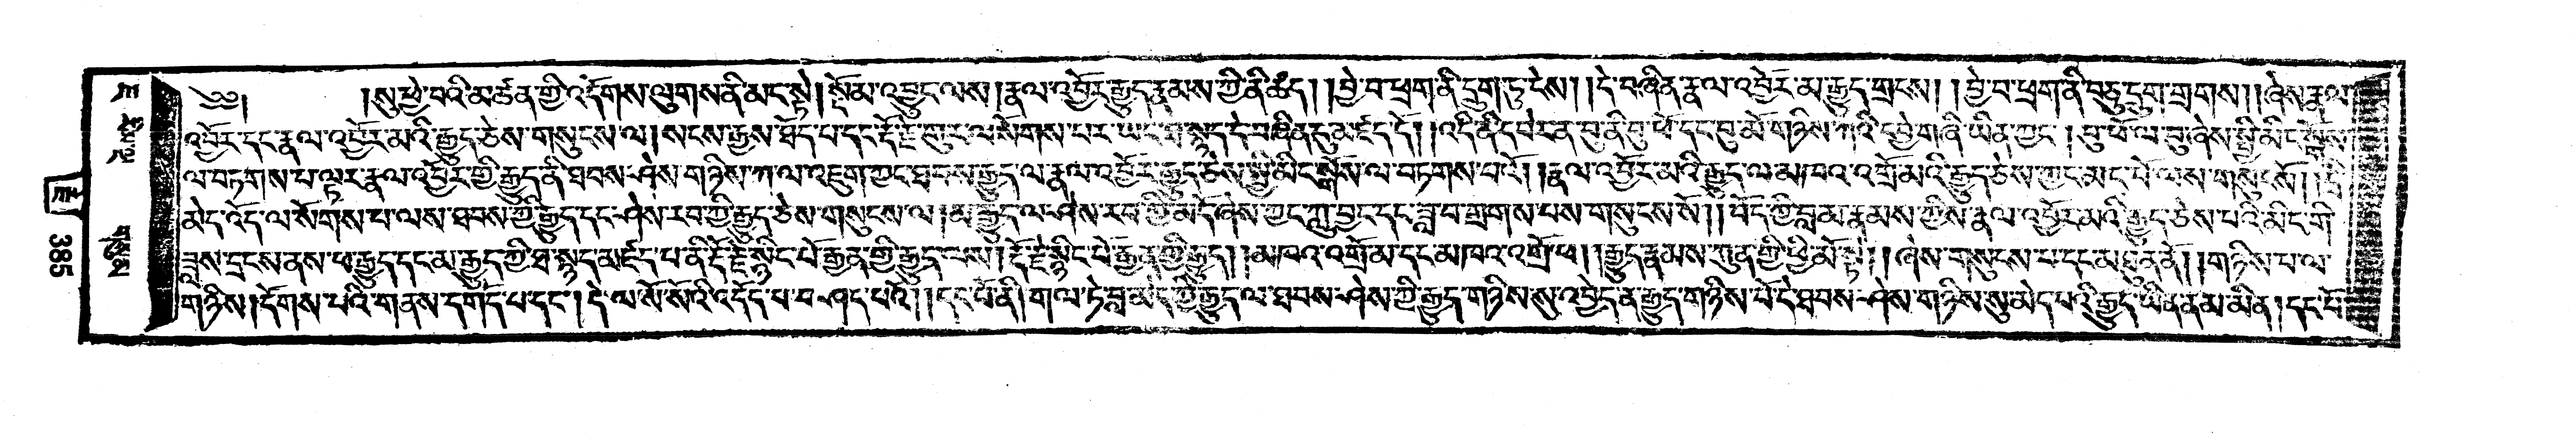༄༅། །སུ་ཕྱེ་བའི་མཚན་གྱི་འདོགས་ལུགས་ནི་མང་སྟེ། སྡོམ་འབྱུང་ལས། རྣལ་འབྱོར་རྒྱུད་རྣམས་ཀྱི་ནི་ཚད། །བྱེ་བ་ཕྲག་ནི་དྲུག་ཏུ་ངེས། །དེ་བཞིན་རྣལ་འབྱོར་མ་རྒྱུད་གྲངས། །བྱེ་བ་ཕྲག་ནི་བཅུ་དྲུག་གྲགས། །ཞེས་རྣལ་
འབྱོར་དང་རྣལ་འབྱོར་མའི་རྒྱུད་ཅེས་གསུངས་ལ། སངས་རྒྱས་ཐོད་པ་དང་རྡོ་རྗེ་གུར་ལ་སོགས་པར་ཡང་ཐ་སྙད་དེ་བཞིན་དུ་མཛད་དོ། །འདི་ནི་དཔེར་ན་བུ་ནི་བུ་ཕོ་དང་བུ་མོ་གཉིས་ཀའི་དབྱེ་གཞི་ཡིན་ཀྱང་། བུ་ཕོ་ལ་བུ་ཞེས་སྤྱི་མིང་སྒོས་ལ་བཏགས་པ་ལྟར་རྣལ་འབྱོར་གྱི་རྒྱུད་ནི་ཐབས་ཤེས་གཉིས་ཀ་ལ་འཇུག་ཀྱང་ཐབས་རྒྱུད་ལ་རྣལ་འབྱོར་རྒྱུད་ཅེས་སྤྱི་མིང་སྒོས་ལ་བཏགས་པའོ། །རྣལ་འབྱོར་མའི་རྒྱུད་ལ་མཁའ་འགྲོ་མའི་རྒྱུད་ཅེས་ཀྱང་མང་པོ་ལས་གསུངས་སོ། །དྲི་
མེད་འོད་ལ་སོགས་པ་ལས་ཐབས་ཀྱི་རྒྱུད་དང་ཤེས་རབ་ཀྱི་རྒྱུད་ཅེས་གསུངས་ལ། མ་རྒྱུད་ལ་ཤེས་རབ་ཀྱི་མདོ་ཞེས་ཀྱང་ཀླུ་བྱང་དང་ཟླ་བ་གྲགས་པས་གསུངས་སོ། །བོད་ཀྱི་བླ་མ་རྣམས་ཀྱིས་རྣལ་འབྱོར་མའི་རྒྱུད་ཅེས་པའི་མིང་གི་
ཟླས་དྲངས་ནས་ཕ་རྒྱུད་དང་མ་རྒྱུད་ཀྱི་ཐ་སྙད་མཛད་པ་ནི་རྡོ་རྗེ་སྙིང་པོ་རྒྱན་གྱི་རྒྱུད་ལས། རྡོ་རྗེ་སྙིང་པོ་རྒྱན་གྱི་རྒྱུད། །མཁའ་འགྲོ་མ་དང་མཁའ་འགྲོ་ཕ། །རྒྱུད་རྣམས་ཀུན་གྱི་ཕྱི་མོ་སྟེ། །ཞེས་གསུངས་པ་དང་མཐུན་ནོ། །གཉིས་པ་ལ་
གཉིས། དོགས་པའི་གནས་དགོད་པ་དང་། དེ་ལ་སོ་སོའི་འདོད་པ་བཤད་པའོ། །དང་པོ་ནི། གལ་ཏེ་བླ་མེད་ཀྱི་རྒྱུད་ལ་ཐབས་ཤེས་ཀྱི་རྒྱུད་གཉིས་སུ་འབྱེད་ན་རྒྱུད་གཉིས་པོ་དེ་ཐབས་ཤེས་གཉིས་སུ་མེད་པའི་རྒྱུད་ཡིན་ནམ་མིན། དང་པོ་